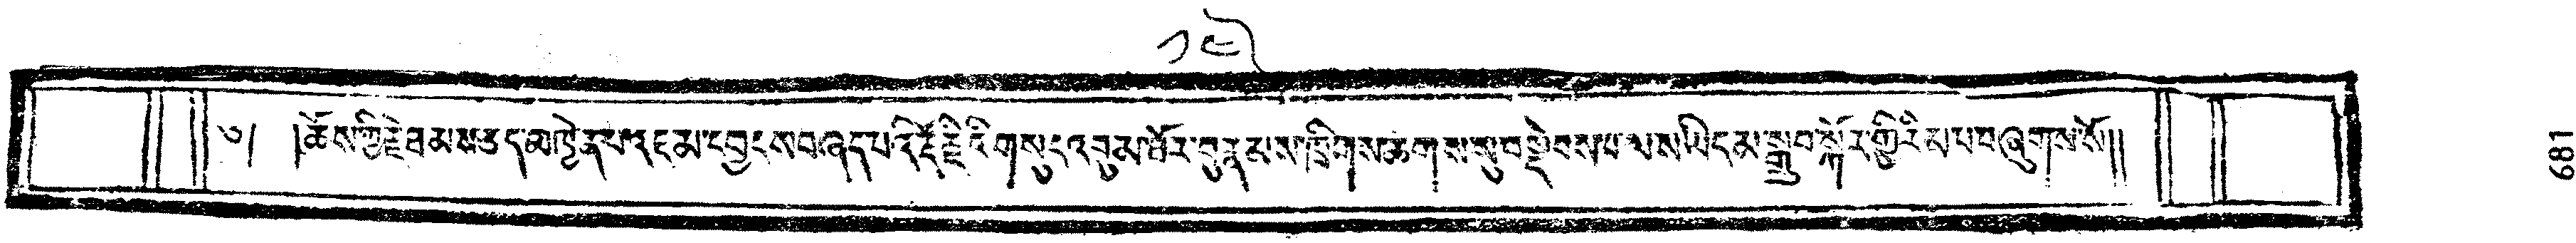༄༅། །ཆོས་ཀྱི་རྗེ་ཐམས་ཅད་འཁྱེན་པ་འཇམ་དབྱངས་བཞད་པའི་རྡོ་རྗེའི་གསུང་འབུམ་ཐོར་བུ་རྣམས་ཁྲིགས་ཆགས་སུ་བསྡེབས་པ་ལས་ཡི་དམ་སྒྲུབ་སྐོར་ཀྱི་རིམ་པ་བཞུགས་སོ།།